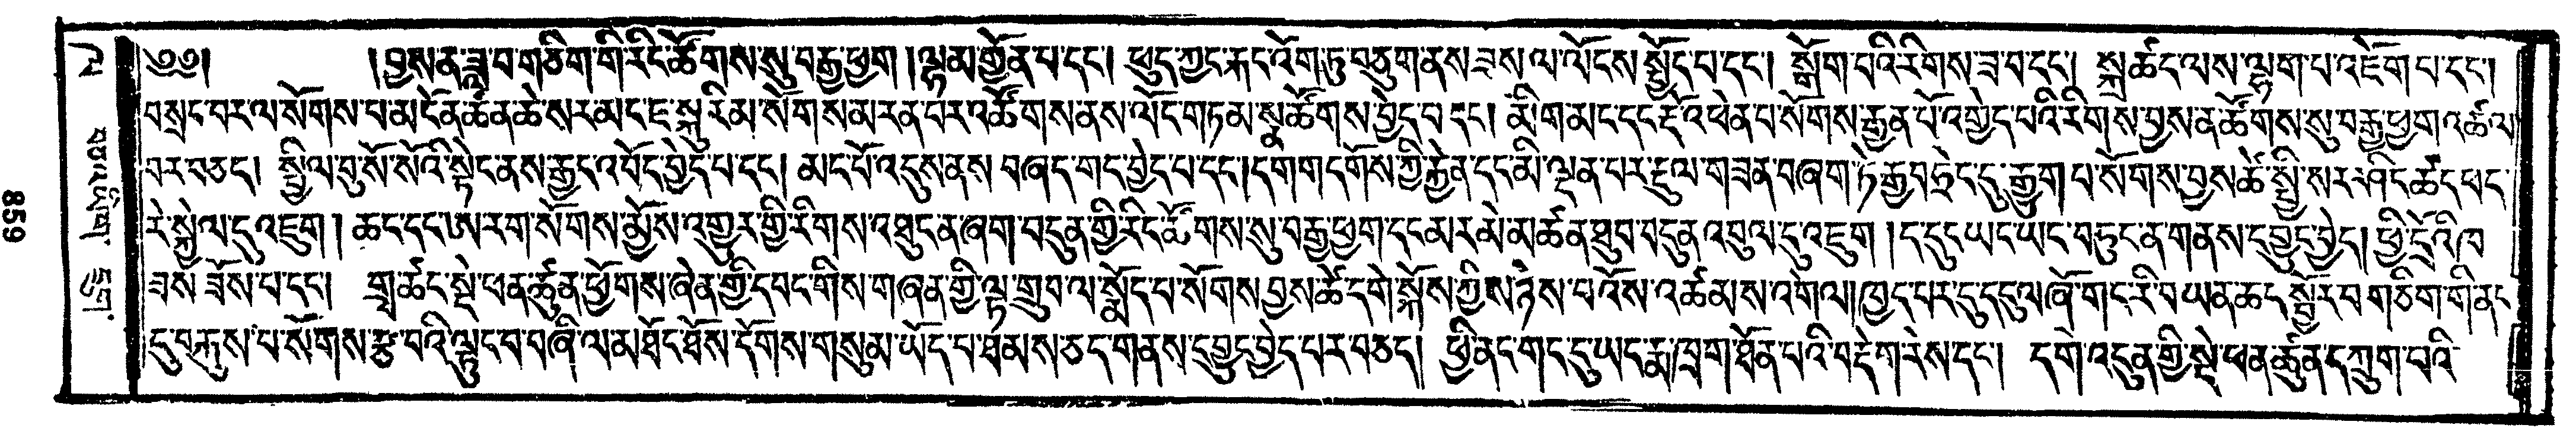༄༅། །བྱས་ན་ཟླ་བ་གཅིག་གི་རིང་ཚོགས་སུ་བརྒྱ་ཕྱག །ལྷ་མ་གྱོན་པ་དང་། ཕུད་ཀྱང་རྐང་འོག་ཏུ་བཅུག་ནས་ཟས་ལ་ལོངས་སྤྱོད་པ་དང་། སྒོག་པའི་རིགས་ཟ་བ་དང་། སྐྲ་ཚད་ལས་ལྷག་པ་འཇོག་པ་དང་།
བསྲང་བར་ལ་སོགས་པ་མངོན་ཚན་ཆེ་སར་མང་ཇ་སྐུ་རིམ་སོགས་མ་རན་བར་འཚོགས་ནས་ལོང་གཏམ་སྣ་ཚོགས་བྱེད་པ་དང་། མིག་མང་དང་རྡོ་འཕེན་པ་སོགས་རྒྱན་པོ་འགྱེད་པའི་རིགས་བྱས་ན་ཚོགས་སུ་བརྒྱ་ཕྱག་འཚལ་
བར་བཅད། སྤྱིལ་བུ་སོ་སོའི་སྟེང་ནས་རྒྱད་འབོད་བྱེད་པ་དང་། མང་པོ་འདུས་ནས་བཞད་གང་བྱེད་པ་དང་། དགག་དགོས་ཀྱི་རྐྱེན་དང་མི་ལྡན་པར་རྡུལ་གཟན་བཞག་ཏེ་རྒྱབ་ཕྲེང་དུ་རྒྱུག་པ་སོགས་བྱས་ཚེ་སྤྱི་སར་ཤིང་ཚད་ཕད་
རེ་སྐྱེལ་དུ་འཇུག། ཆང་དང་ཨ་རག་སོགས་མྱོས་འགྱུར་གྱི་རིགས་འཐུང་ན་ཞག་བདུན་གྱི་རིང་ཚོགས་སུ་བརྒྱ་ཕྱག་དང་མར་མེ་མཚན་ཐུབ་བདུན་འབུལ་དུ་འཇུག །ད་དུང་ཡང་ཡང་བཏུང་ན་གནས་དབྱུང་བྱེད། ཕྱི་དྲོའི་ཁ་
ཟས་ཟོས་པ་དང་། གྲྭ་ཚང་སྡེ་ཕན་ཚུན་ཕྱོགས་ཞེན་གྱི་དབང་གིས་གཞན་གྱི་ལྷ་གྲུབ་ལ་སྨོད་པ་སོགས་བྱས་ཚེ་དགེ་སྐོས་ཀྱིས་ཉེས་པ་འོས་འཚམས་འགེལ། ཁྱད་པར་དུ་དངུལ་ཞོ་གང་རི་བ་ཡན་ཆད་སྦྱོར་བ་གཅིག་གི་ནང་
དུ་བརྐུས་པ་སོགས་རྩ་བའི་ལྟུང་བ་བཞི་ལ་མཐོང་ཐོས་དོགས་གསུམ་ཡོད་པ་ཐམས་ཅད་གནས་དབྱུང་བྱེད་པར་བཅད། ཕྱི་ནང་གང་དུ་ཡང་རྨ་ཁྲག་ཐོན་པའི་བརྡེག་རེས་དང་། དགེ་འདུན་གྱི་སྡེ་ཕན་ཚུན་དཀྲུག་པའི་